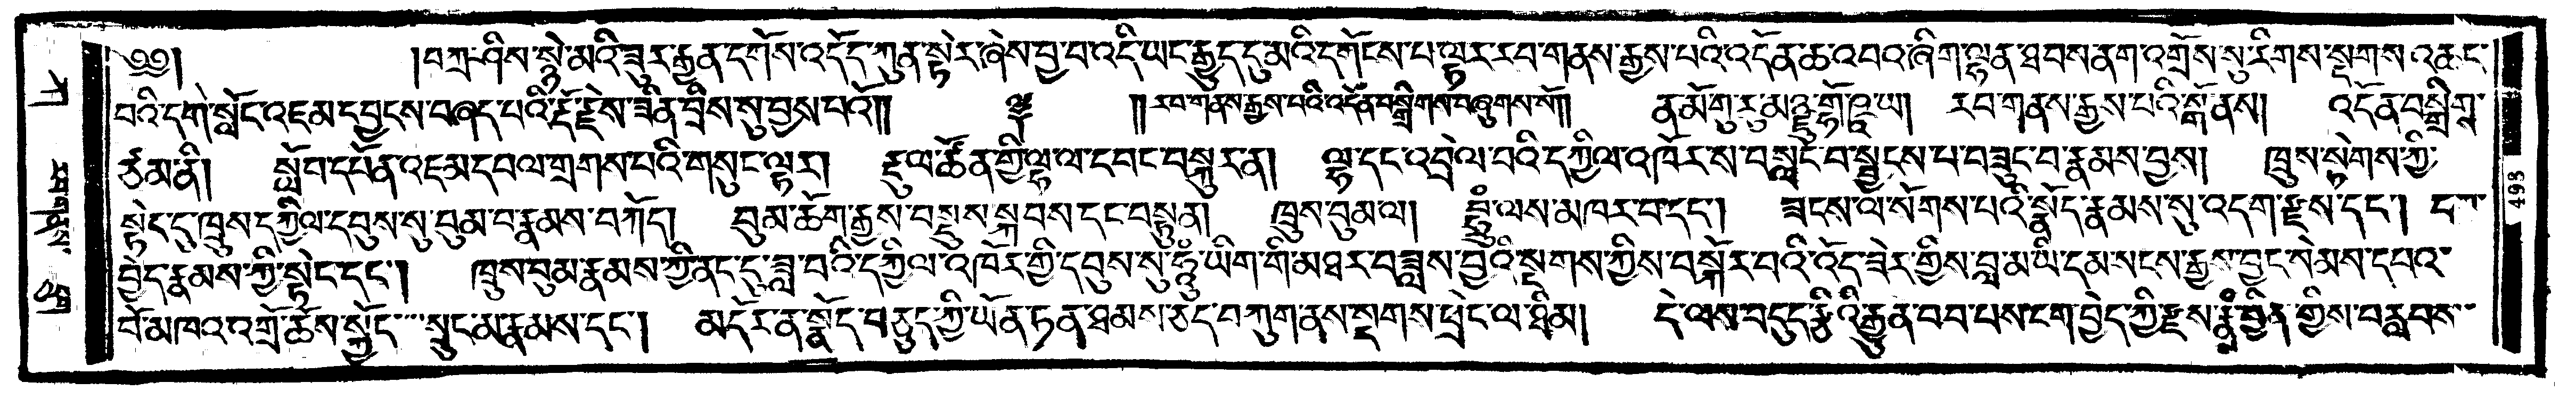༄༅། །བཀྲ་ཤིས་སྙེ་མའི་ཟུར་རྒྱན་དགོས་འདོད་ཀུན་སྟེར་ཞེས་བྱ་བ་འདི་ཡང་རྒྱུད་དུ་མའི་དགོངས་པ་ལྟར་རབ་གནས་རྒྱས་པའི་འདོན་ཆ་འབའ་ཞིག་ལྷན་ཐབས་ནག་འགྲོས་སུ་རིགས་སྔགས་འཆང་
བའི་དགེ་སློང་འཇམ་དབྱངས་བཞད་པའི་རྡོ་རྗེས་ཟིན་བྲིས་སུ་བྱས་བའོ།། ༈ །།རབ་གནས་རྒྱས་པའི་འདོན་བསྒྲིགས་བཞུགས་སོ།། ན་མོ་གུ་རུ་མཉྫུ་གྷོ་ཥཱ་ཡ། རབ་གནས་རྒྱས་པའི་སྒོ་ནས། འདོན་བསྒྲིགས་
ཙམ་ནི། སློབ་དཔོན་འཇམ་དཔལ་གྲགས་པའི་གསུང་ལྟར། རྡུལ་ཚོན་གྱི་ལྷ་ལ་དབང་བསྐུར་ན། ལྷ་དང་འབྲེལ་བའི་དཀྱིལ་འཁོར་ས་བསླང་བ་སྦྱངས་པ་བཟུང་བ་རྣམས་བྱས། ཁྲུས་སྟེགས་ཀྱི་
སྟེང་དུ་ཁྲུས་དཀྱིལ་དབུས་སུ་བུམ་པ་རྣམས་བཀོད། བུམ་ཆོག་རྒྱས་བསྡུས་སྐབས་དང་བསྟུན། ཁྲུས་བུམ་ལ། བྷཱུཾ་ལས་མཁར་བ་དང་། ཟངས་ལ་སོགས་པའི་སྣོད་རྣམས་སུ་འདག་རྫས་དང་། བས?
བྱེད་རྣམས་ཀྱི་སྟེང་དང་། ཁྲུས་བུམ་རྣམས་ཀྱི་ནང་དུ་ཟླ་བའི་དཀྱིལ་འཁོར་གྱི་དབུས་སུ་ཧཱུཾ་ཡིག་གི་མཐར་བཟླས་བྱའི་སྔགས་ཀྱིས་བསྐོར་བའི་འོད་ཟེར་གྱིས་བླ་མ་ཡི་དམ་སངས་རྒྱས་བྱང་སེམས་དཔའ་
བོ་མཁའ་འགྲོ་ཆོས་སྐྱོང་སྲུང་མ་རྣམས་དང་། མདོར་ན་སྣོད་བཅུད་ཀྱི་ཡོན་ཏན་ཐམས་ཅད་བཀུག་ནས་སྔགས་ཕྲེང་ལ་ཐིམ། དེ་ལས་བདུད་རྩིའི་རྒྱུན་བབ་པས་ངག་བྱེད་ཀྱི་རྫས་རྣཾ་བྱིན་གྱིས་བརླབས་